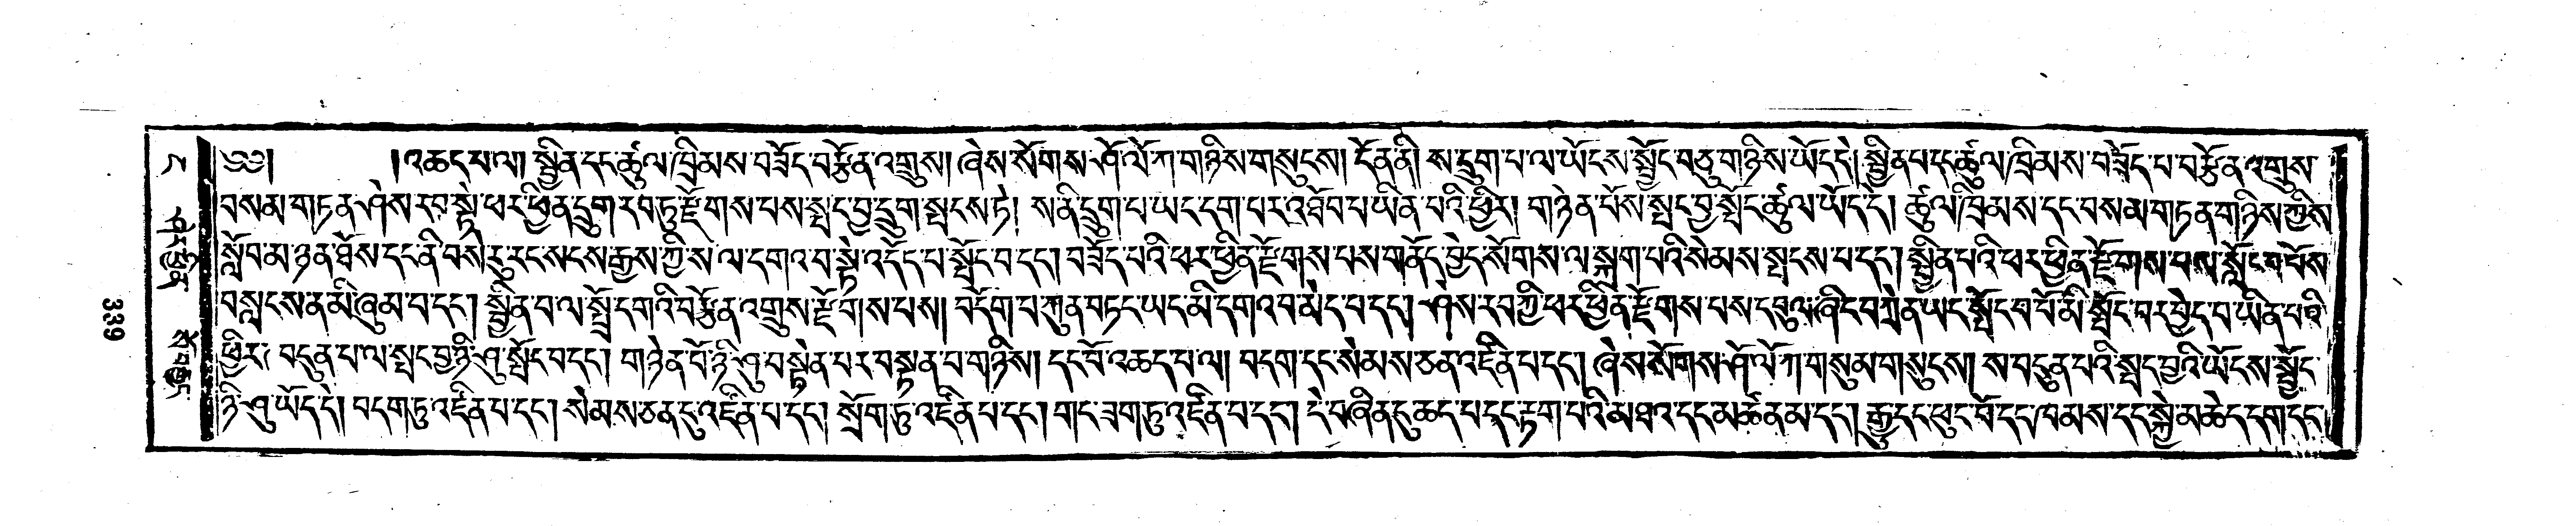༄༅། །འཆད་པ་ལ། སྦྱིན་དང་ཚུལ་ཁྲིམས་བཟོད་བརྩོན་འགྲུས། ཞེས་སོགས་ཤོ་ལོ་ཀ་གཉིས་གསུངས། དོན་ནི། ས་དྲུག་པ་ལ་ཡོངས་སྦྱོང་བཅུ་གཉིས་ཡོད་དེ། སྦྱིན་པ་དང་ཚུལ་ཁྲིམས་བཟོད་པ་བརྩོན་འགྲུས་
བསམ་གཏན་ཤེས་རབ་སྟེ་ཕར་ཕྱིན་དྲུག་རབ་ཏུ་རྫོགས་པས་སྤང་བྱ་དྲུག་སྤངས་ཏེ། ས་ནི་དྲུག་པ་ཡང་དག་པར་འཐོབ་པ་ཡིན་པའི་ཕྱིར། གཉེན་པོས་སྤང་བྱ་སྤོང་ཚུལ་ཡོད་དེ། ཚུལ་ཁྲིམས་དང་བསམ་གཏན་གཉིས་ཀྱིས་
སློབ་མ་ཉན་ཐོས་དང་ནི་བསེ་རུ་རང་སངས་རྒྱས་ཀྱི་ས་ལ་དགའ་བ་སྟེ་འདོད་པ་སྤོང་བ་དང་། བཟོད་པའི་ཕར་ཕྱིན་རྫོགས་པས་གནོད་བྱེད་སོགས་ལ་སྐྲག་པའི་སེམས་སྤངས་པ་དང་། སྦྱིན་པའི་ཕར་ཕྱིན་རྫོགས་པས་སློང་བ་པོས་
བསླངས་ན་མི་ཞུམ་པ་དང་། སྦྱིན་པ་ལ་སྤྲོ་དགའི་བརྩོན་འགྲུས་རྫོགས་པས། བདོག་པ་ཀུན་བཏང་ཡང་མི་དགའ་བ་མེད་པ་དང་། ཤེས་རབ་ཀྱི་ཕར་ཕྱིན་རྫོགས་པས་དབུལ་ཞིང་བཀྲེན་ཡང་སྤོང་པ་པོ་མི་སྤོང་བར་བྱེད་པ་ཡིན་པའི་
ཕྱིར། བདུན་པ་ལ་སྤང་བྱ་ཉི་ཤུ་སྤོང་བ་དང་། གཉེན་པོ་ཉི་ཤུ་བསྟེན་པར་བསྟན་པ་གཉིས། དང་པོ་འཆད་པ་ལ། བདག་དང་སེམས་ཅན་འཛིན་པ་དང་། ཞེས་སོགས་ཤོ་ལོ་ཀ་གསུམ་གསུངས། ས་བདུན་པའི་སྤང་བྱའི་ཡོངས་སྦྱོང་
ཉི་ཤུ་ཡོད་དེ། བདག་ཏུ་འཛིན་པ་དང་། སེམས་ཅན་དུ་འཛིན་པ་དང་། སྲོག་ཏུ་འཛིན་པ་དང་། གང་ཟག་ཏུ་འཛིན་པ་དང་། དེ་བཞིན་དུ་ཆད་པ་དང་རྟག་པའི་མཐའ་དང་མཚན་མ་དང་། རྒྱུ་དང་ཕུང་པོ་དང་ཁམས་དང་སྐྱེ་མཆེད་དག་དང་